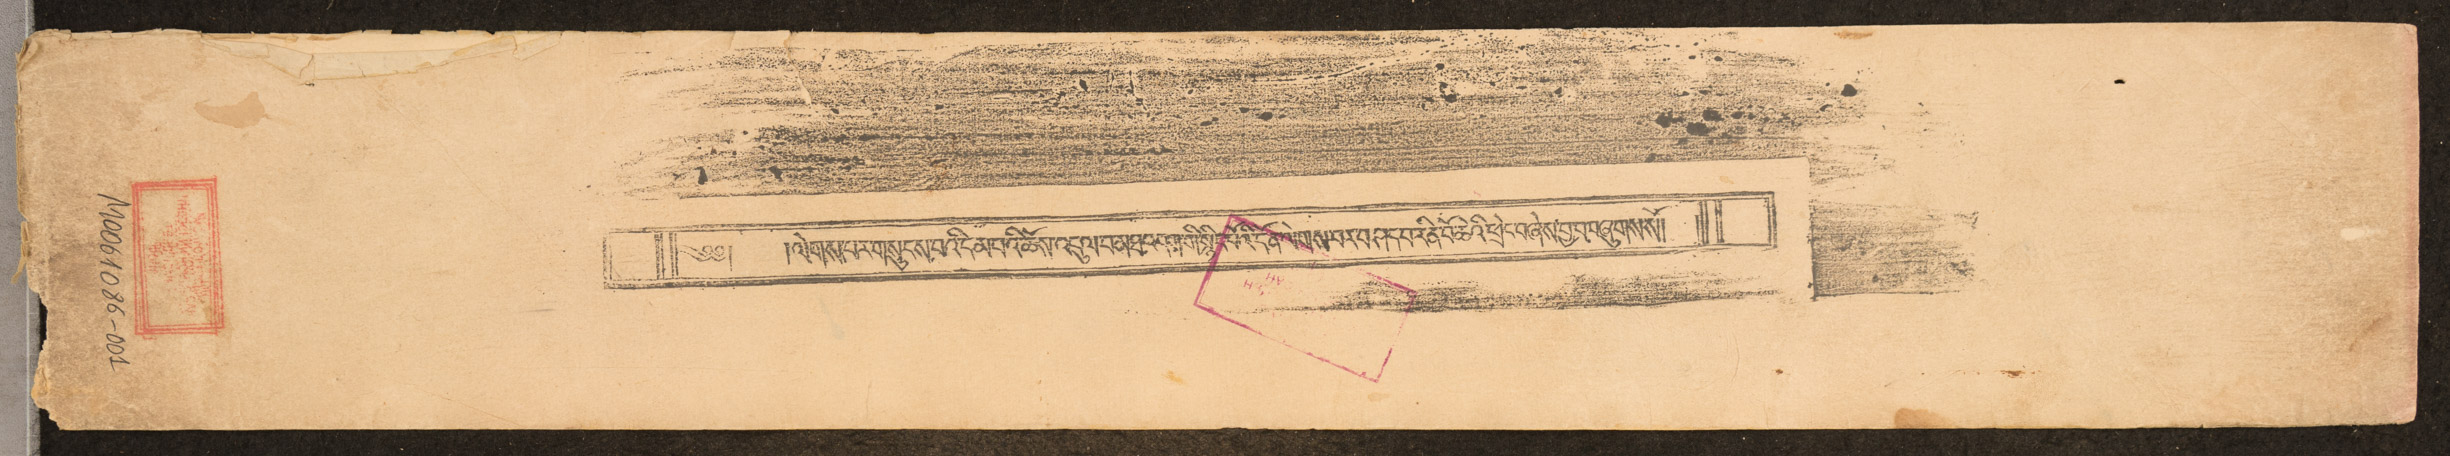།ལེགས་པར་གསུངས་པའི་དམ་པའི་ཆོས་འདུལ་བ་མཐའ་དག་གི་སྙིང་པོའི་དོན་ལེགས་པར་བཤད་པ་རིན་པོ་ཆེའི་ཕྲེང་བ་ཞེས་བྱ་བ་བཞུགས་སོ། །